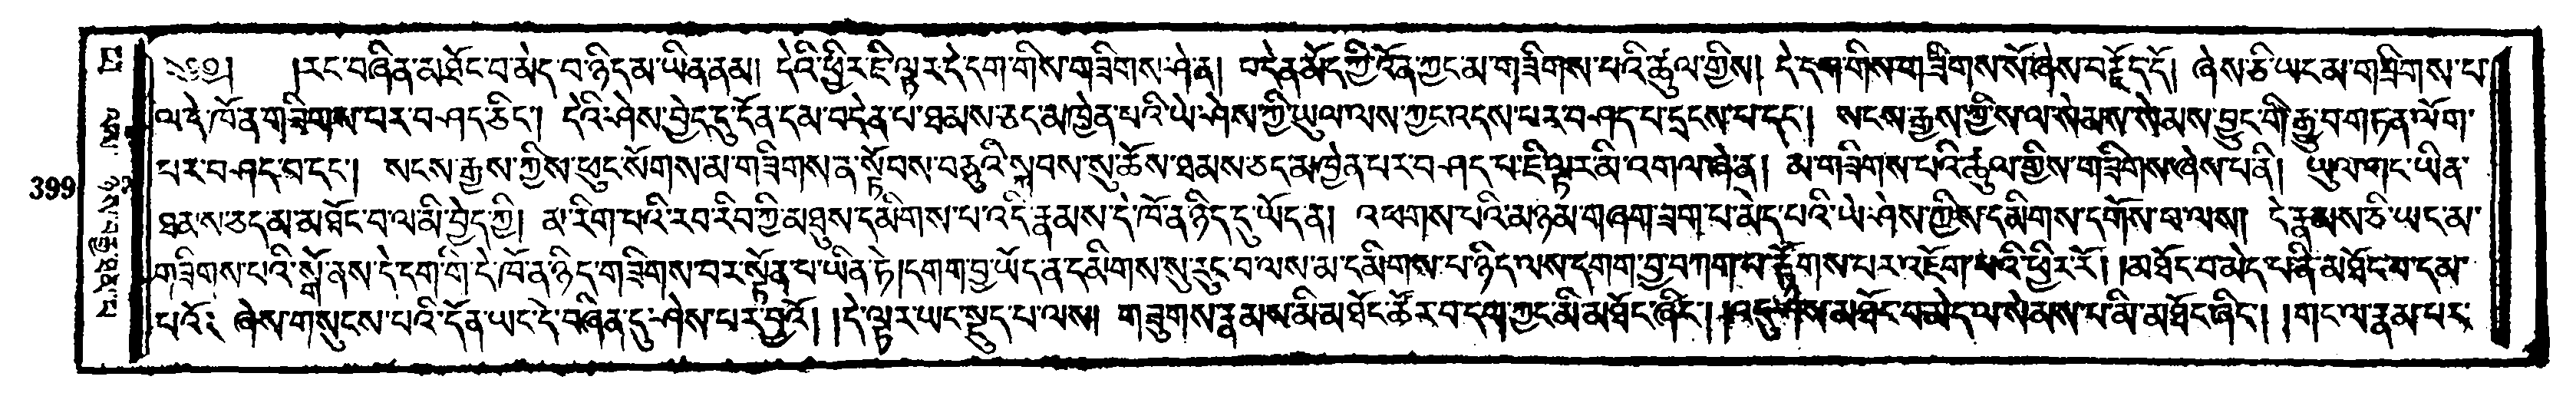༄༅། །རང་བཞིན་མཐོང་བ་མེད་བ་ཉིད་མ་ཡིན་ནམ། དེའི་ཕྱིར་ཇི་ལྟར་དེ་དག་གིས་གཟིགས་ཤེ་ན། བདེན་མོད་ཀྱི་འོན་ཀྱང་མ་གཟིགས་པའི་ཚུལ་གྱིས། དེ་དག་གིས་གཟིགས་སོ་ཞེས་བརྗོད་དོ། ཞེས་ཅི་ཡང་མ་གཟིགས་པ་
ལ་དེ་ཁོ་ན་གཟིགས་པར་བཤད་ཅིང་། དེའི་ཤེས་བྱེད་དུ་དོན་དམ་བདེན་པ་ཐམས་ཅད་མཁྱེན་པའི་ཡེ་ཤེས་ཀྱི་ཡུལ་ལས་ཀྱང་འདས་པར་བཤད་པ་དྲངས་པ་དང་། སངས་རྒྱས་ཀྱི་ས་ལ་སེམས་སེམས་བྱུང་གི་རྒྱུ་བ་གཏན་ལོག་
པར་བཤད་བ་དང་། སངས་རྒྱས་ཀྱིས་ཕུང་སོགས་མ་གཟིགས་ན་སྟོབས་བཅུའི་སྐབས་སུ་ཆོས་ཐམས་ཅད་མཁྱེན་པར་བཤད་པ་ཇི་ལྟར་མི་འགལ་ཞེ་ན། མ་གཟིགས་པའི་ཚུལ་གྱིས་གཟིགས་ཞེས་པ་ནི། ཡུལ་གང་ཡིན་
ཐམས་ཅད་མ་མཐོང་བ་ལ་མི་བྱེད་ཀྱི། མ་རིག་པའི་རབ་རིབ་ཀྱི་མཐུས་དམིགས་པ་འདི་རྣམས་དེ་ཁོ་ན་ཉིད་དུ་ཡོད་ན། འཕགས་པའི་མཉམ་གཞག་ཟག་པ་མེད་པའི་ཡེ་ཤེས་ཀྱིས་དམིགས་དགོས་པ་ལས། དེ་རྣམས་ཅི་ཡང་མ་
གཟིགས་པའི་སྒོ་ནས་དེ་དག་གི་དེ་ཁོ་ན་ཉིད་གཟིགས་བར་སྟོན་པ་ཡིན་ཏེ། དགག་བྱ་ཡོད་ན་དམིགས་སུ་རུང་བ་ལས་མ་དམིགས་པ་ཉིད་ལས་དགག་བྱ་བཀག་པ་རྟོགས་པར་འཇོག་པའི་ཕྱིར་རོ། །མཐོང་བ་མེད་པ་ནི་མཐོང་བ་དམ་
པའོ༑ ཞེས་གསུངས་པའི་དོན་ཡང་དེ་བཞིན་དུ་ཤེས་པར་བྱའོ། །དེ་ལྟར་ཡང་སྡུད་པ་ལས། གཟུགས་རྣམས་མི་མཐོང་ཚོར་བ་དག་ཀྱང་མི་མཐོང་ཞིང་། །འདུ་ཤེས་མཐོང་བ་མེད་ལ་སེམས་པ་མི་མཐོང་ཞིང་། །གང་ལ་རྣམ་པར་